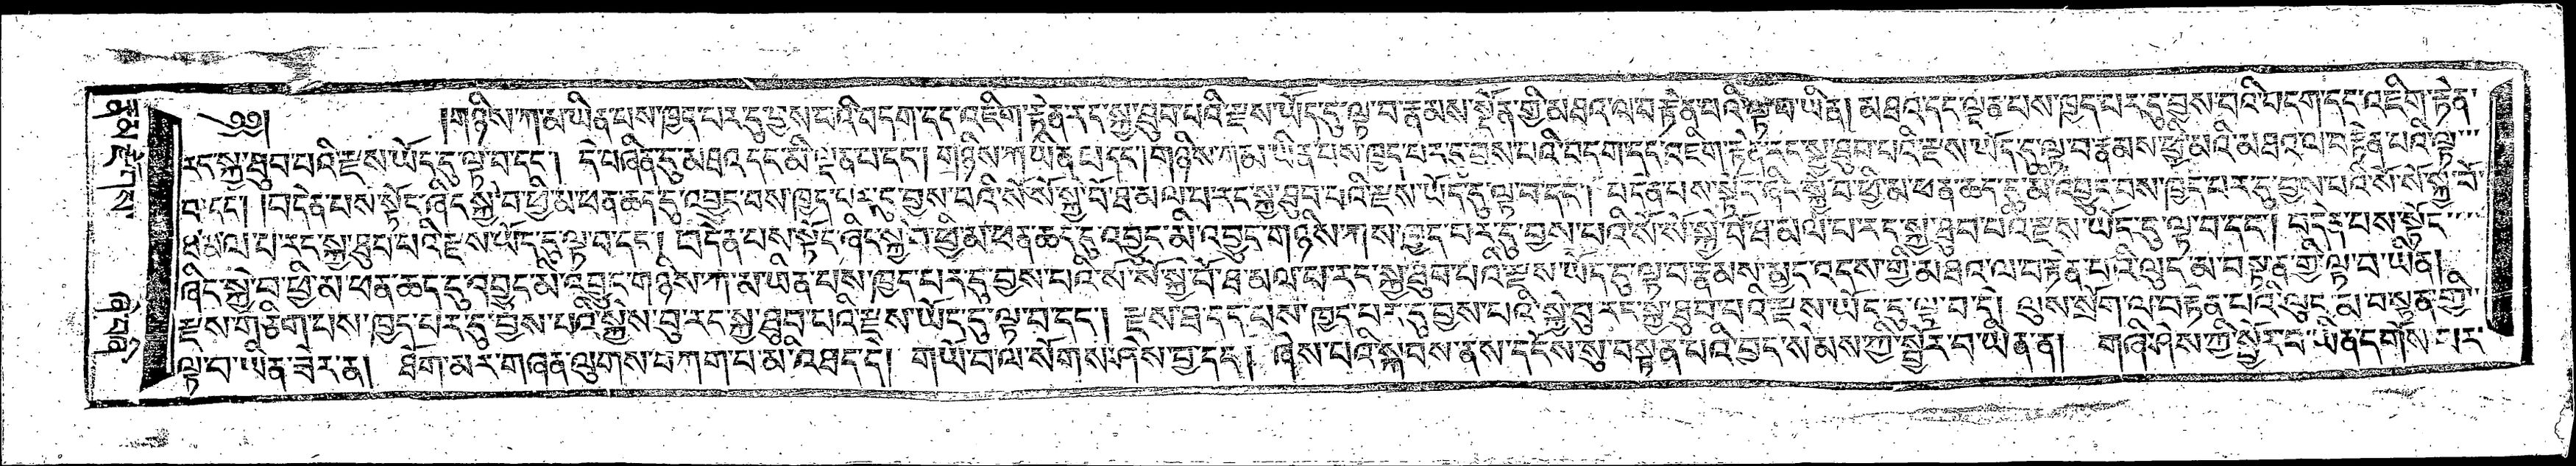༄༅། །གཉིས་ཀ་མ་ཡིན་པས་ཁྱད་པར་དུ་བྱས་པའི་བདག་དང་འཇིག་རྟེན་རང་སྐྱ་ཐུབ་པའི་རྫས་ཡོད་དུ་ལྟ་བ་རྣམས་སྔོན་གྱི་མཐའ་ལ་བརྟེན་པའི་ལྟ་བ་ཡིན། མཐའ་དང་ལྡན་པས་ཁྱད་པར་དུ་བྱས་པའི་བདག་དང་འཇིག་རྟེན་
རང་སྐྱ་ཐུབ་པའི་རྫས་ཡོད་དུ་ལྟ་བ་དང་། དེ་བཞིན་དུ་མཐའ་དང་མི་ལྡན་པ་དང་། གཉིས་ཀ་ཡིན་པ་དང་། གཉིས་ཀ་མ་ཡིན་པས་ཁྱད་པར་དུ་བྱས་པའི་བདག་དང་འཇིག་རྟེན་རང་སྐྱ་ཐུབ་པའི་རྫས་ཡོད་དུ་ལྟ་བ་རྣམས་ཕྱི་མའི་མཐའ་ལ་བརྟེན་པའི་ལྟ་
བ་དང་། །བདེན་པས་སྟོང་ཞིང་སྐྱེ་བ་ཕྱི་མ་ཕན་ཆད་དུ་འབྱུང་བས་ཁྱད་པར་དུ་བྱས་པའི་སོ་སོ་སྐྱེ་བོ་ཐ་མལ་པ་རང་སྐྱ་ཐུབ་པའི་རྫས་ཡོད་དུ་ལྟ་བ་དང་། བདེན་པས་སྟོང་ཞིང་སྐྱེ་བ་ཕྱི་མ་ཕན་ཆད་དུ་མི་འབྱུང་བས་ཁྱད་པར་དུ་བྱས་པའི་སོ་སོ་སྐྱེ་བོ་
ཐ་མ་ལ་པ་རང་སྐྱ་ཐུབ་པའི་རྫས་ཡོད་དུ་ལྟ་བ་དང་། བདེན་པས་སྟོང་ཞིང་སྐྱེ་བ་ཕྱི་མ་ཕན་ཆད་དུ་འབྱུང་མི་འབྱུང་གཉིས་ཀས་ཁྱད་པར་དུ་བྱས་པའི་སོ་སོ་སྐྱེ་བོ་ཐ་མ་ལ་པ་རང་སྐྱ་ཐུབ་པའི་རྫས་ཡོད་དུ་ལྟ་བ་དང་། བདེན་པས་སྟོང་
ཞིང་སྐྱེ་བ་ཕྱི་མ་ཕན་ཆད་དུ་འབྱུང་མི་འབྱུང་གཉིས་ཀ་མ་ཡིན་པས་ཁྱད་པར་དུ་བྱས་པའི་སོ་སོ་སྐྱེ་བོ་ཐ་མལ་པ་རང་སྐྱ་ཐུབ་པའི་རྫས་ཡོད་དུ་ལྟ་བ་རྣམས་མྱང་འདས་གྱི་མཐའ་ལ་བརྟེན་པའི་ལུང་མ་བསྟན་གྱི་ལྟ་བ་ཡིན།
རྫས་གཅིག་པས་ཁྱད་པར་དུ་བྱས་པའི་སྐྱེས་བུ་རང་སྐྱ་ཐུབ་པའི་རྫས་ཡོད་དུ་ལྟ་བ་དང་། རྫས་ཐ་དད་པས་ཁྱད་པར་དུ་བྱས་པའི་སྐྱེ་བུ་རང་སྐྱ་ཐུབ་པའི་རྫས་ཡོད་དུ་ལྟ་བ་དེ། ལུས་སྲོག་ལ་བརྟེན་པའི་ལུང་མ་བསྟན་གྱི་
ལྟ་བ་ཡིན་ཟེར་ན། ཐོག་མར་གཞན་ལུགས་བཀག་པ་མི་འཐད་དེ། གཡོ་བ་ལ་སོགས་ཤེས་བྱ་དང་། ཞེས་པའི་སྐབས་ནས་དངོས་སུ་བསྟན་པའི་བྱང་སེམས་ཀྱི་སྦྱོར་བ་ཡིན་ན། གཞི་ཤེས་ཀྱི་སྦྱོར་བ་ཡིན་དགོས་པར་